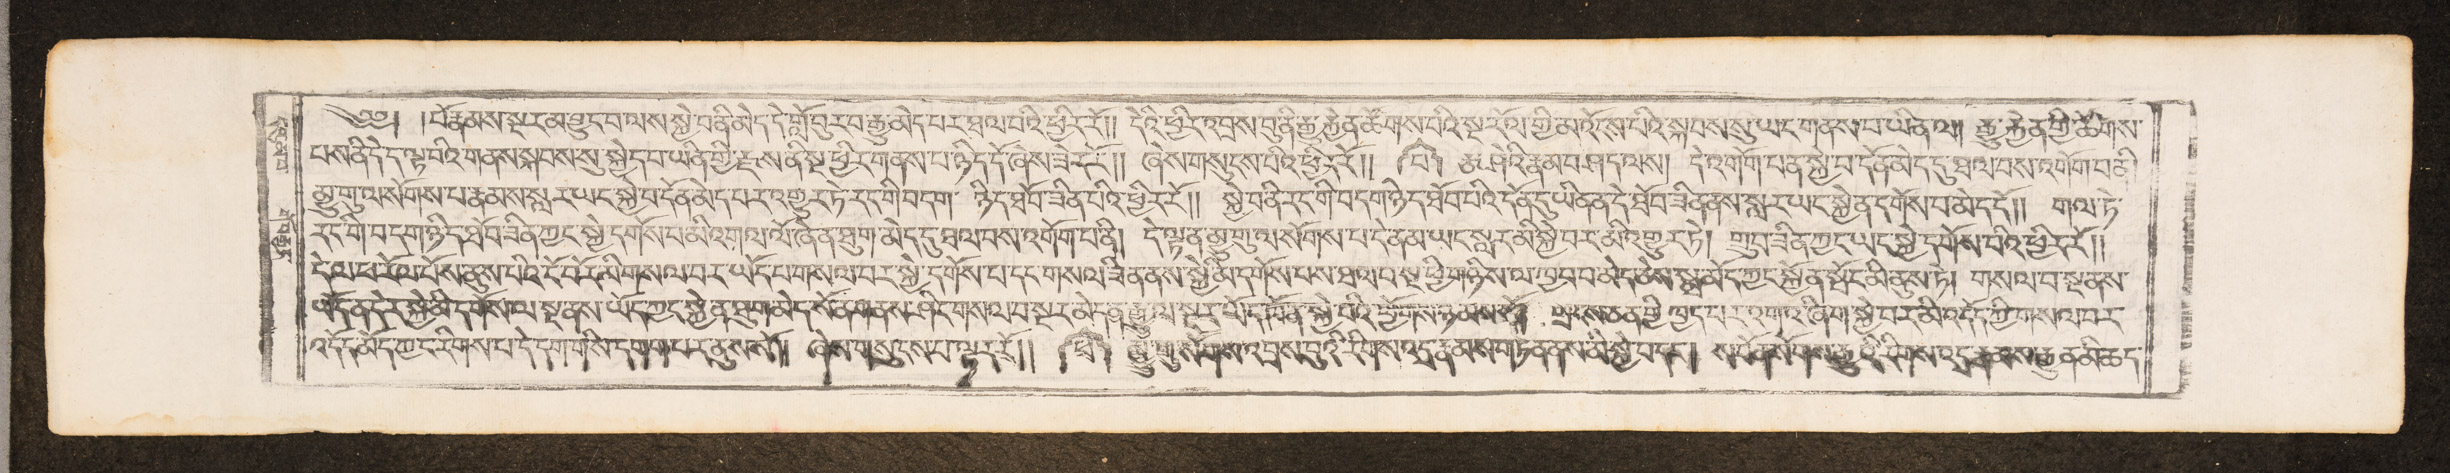། །པོ་རྣམས་སྔར་རམ་བྱུང་བ་ལས་སྐྱེ་བ་ནི་མེད་དེ་གློ་བར་བ་རྒྱུ་མེད་པར་ཐལ་བའི་ཕྱིར་རོ།། དེའི་ཕྱིར་འབྲས་བུ་ནི་རྒྱུ་རྐྱེན་ཚོགས་པའི་སྔ་རོལ་གི་མ་འོངས་པའི་སྐབས་སུ་ཡང་གནས་པ་ཡིན་ལ། རྒྱུ་རྐྱེན་གི་ཚོགས་
པས་ནི་དེ་ད་ལྟ་བའི་གནས་སྐབས་སུ་སྐྱེད་པ་ཡི༨ན་གྱི་རྫས་ནི་སྔ་ཕྱིར་གནས་པ་ཉིད་དོ་ཞེས་ཟེར་རོ།། ཞེས་གསུངས་བའི་ཕྱིར་རོ།། ༼༽པ༼༽ རྩ་ཤེའི་རྣམ་བཤད་ལས། དེ་འགོག་པ་ན་སྐྱེ་བ་དོན་མེད་དུ་ཐལ་བས་འགོག་བ་ནི།
མྱུག་གུ་ལ་སོགས་པ་རྣམས་སླར་ཡང་སྐྱེ་བ་དོན་མེད་པར་འགྱུར་ཏེ་རང་གི་བདག་ཉིད་ཐོབ་ཟིན་པའི་ཕྱིར་ངོ།། སྐྱེ་བ་ནི་རང་གི་བདག་ཉིས་ཐོབ་པའི་དོན་དུ་ཡིན་ན་དེ་ཐོབ་ཟིན་ནས་སླར་ཡང་སྐྱེ་ན་དགོས་པ་མེད་དོ།། གལ་ཏེ་
རང་གི་བདག་ཉིད་ཐོབ་ཟིན་ཀྱང་སྐྱེ་དགོས་བ་མི་འགལ་ལོ་ཞེ་ན་ཐུག་མེད་དུ་ཐལ་ཁས་འགོག་པ་ནི། དེ་ལྟ་ན་མྱུ་གུ་ལ་སོགས་པ་དེ་ནམ་ཡང་སླར་མི་སྐྱེ་བར་མི་འགྱུར་ཏེ། གྲུབ་ཟིན་ཀྱང་ཡང་སྐྱེ་དགོས་པའི་ཕྱིར་རོ།།
དེ་ལ་ཕ་རོལ་པོས་ནུས་པའི་ངོ་བོར་མི་གསལ་བར་ཡོད་པ་གསལ་བར་སྐྱེ་དགོས་པ་དང་གསལ་ཟིན་ནས་སྐྱེ་མི་དགོས་པས་ཐལ་བ་སྔ་ཕྱི་གཉིས་ལ་ཁྱབ་པ་མེད་ཅེས་སྨྲ་མོད་ཀྱང་སྐྱོན་སྤོང་མི་ཏེ། གསལ་བ་སྔ་ནས་
ཡོད་ན་དེར་སྐྱེ་མི་དགོས་ལ་སྔ་ནས་ཡོད་ཀྱང་སྐྱེ་ན་ཐུག་མེད་སོ་ན་གནས་ཤིང་གསལ་བསྔར་མེད་ན་རྒྱུ་ལ་སྔར་ཡོད་ཁོ་ན་སྐྱེ་བའི་ཕྱོགས་ཉམས་སོ།། གངས་ཅན་གྱི་ཁྱད་པར་འགའ་ཞིག་སྐྱེ་བར་མི་འདོད་ཀྱི་གསལ་བར་
འདོད་མོད་ཀྱང་རིགས་པ་དེ་དག་གིས་དགག་པར་བུས་སོ།། ཞེས་གསུངས་པ་ལྟར་རོ།། ༼༽ཕ༼༽ མྱུ་གུ་སོགས་འབྲས་བུའི་རིགས་འདྲ་རྣམས་གཏན་ན་མི་སྐྱེ་བ་དང་། ས་བོན་སོགས་རྒྱུའི་རིགས་འདྲ་རྣམས་རྒྱུན་མི་ཆད་